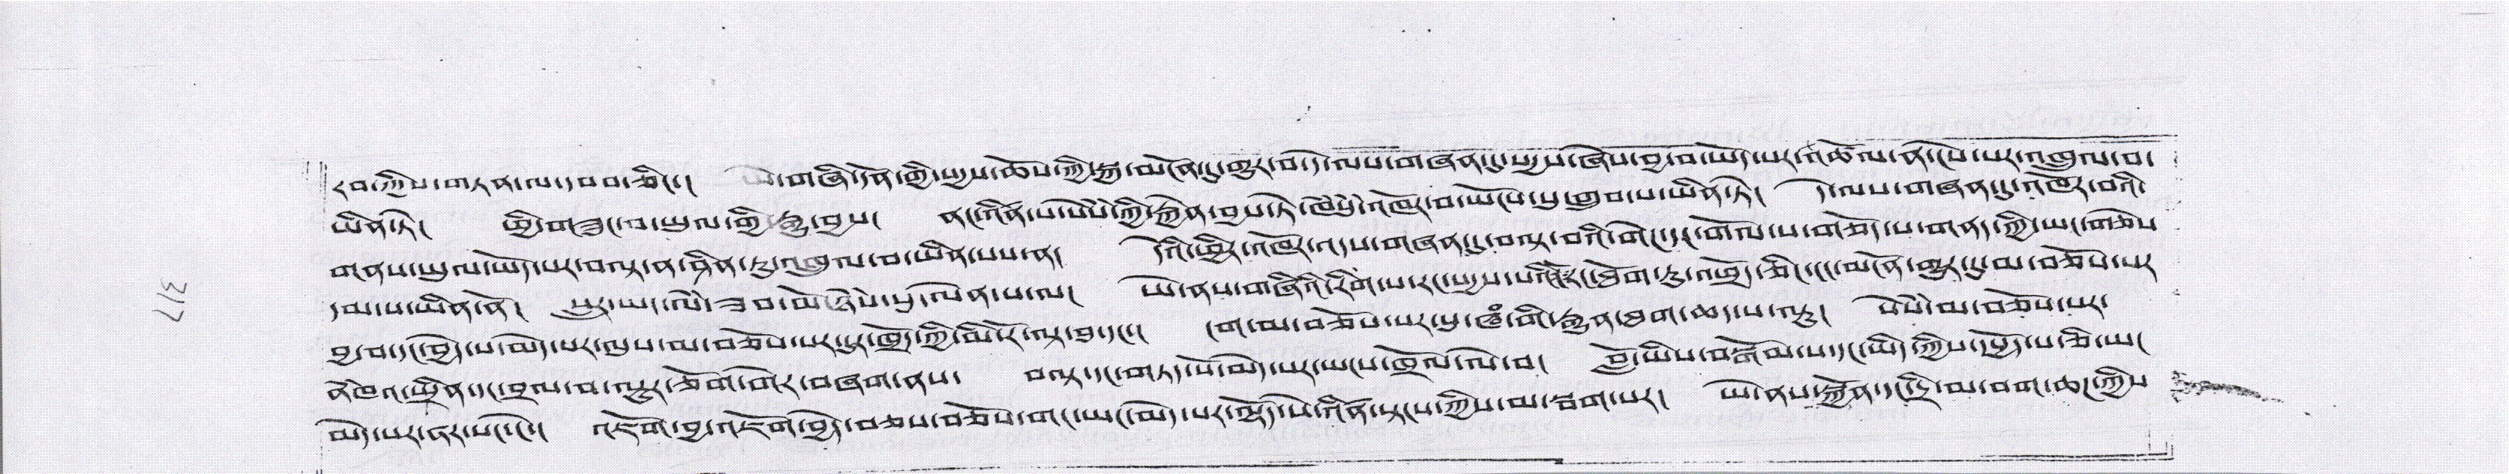རབ་ཀྱིས་གཏན་ལ་དབབ་ཅིང། ཡེ་གཞི་དོན་གྱི་སངས་རྒྱས་ཆོས་ཀྱི་སྐུ་མངོན་དུ་གྱུར་བ་དེ་ལས་གཞན་དུ་སངས་རྒྱས་ཞེས་བྱ་བ་ཡོད་པར་འཚོལ་ན་ངེས་པར་འཁྲུལ་བ་
ཡིན་ཏེ། ཕྱི་གཟུང་བ་ཡུལ་གྱི་རྒྱུ་བྱས། ནང་འཛིན་པ་སེམས་ཀྱི་རྐྱེན་བྱས་ཏེ་ཁམས་གསུམ་འཁོར་བ་ཡོངས་སུ་གྲུབ་པ་ཡིན་ཏེ། དེ་ལས་གཞན་དུ་འཁོར་བའི་
གནས་ཡུལ་ཡོད་པར་བལྟ་ན་ཤིན་ཏུ་འཁྲུལ་བ་ཡིན་པས་ན། དེའི་ཕྱིར་འཁོར་འདས་གཞན་དུ་བལྟ་བའི་གེགས་དང་གོལ་ས་གཅོད་པ་གནད་ཀྱི་ཡང་གཅེས་
དམ་པ་ཡིན་ནོ། སླར་ཡང་ལམ་ཟབ་མོ་ཉམས་སུ་ལེན་པ་ལ། ཡེ་ནས་གཞིའི་རིག་པ་རང་སངས་རྒྱས་པ་རང་ཐོག་ཏུ་འཕྲོད་ཅིང་ངང་མངོན་གྱུར་དུ་མ་བཅོས་པར་
བྱ་བ་དང་བྱེད་པ་མེད་པར་ལུས་མ་བཅོས་པར་དུར་ཁྲོད་ཀྱི་མི་རོ་ལྟ་བུ་དང། ངག་མ་བཅོས་པར་པུ་ཝཾ་གི་རྒྱུན་ཐག་ཆད་པ་ལྟ་བུ། སེམས་མ་བཅོས་པར་
ནམ་མཁའ་སྤྲིན་དང་བྲལ་བ་ལྟ་བུར་ཅོག་གེར་བཞག་ནས། བལྟ་དང་གཏད་སོ་མེད་པར་ཡངས་ཁྲོལ་ལེ་བ། བློ་ཡིས་བསྒོམ་པ་དང་ཡིད་ཀྱིས་དཔྱོད་པ་ཅི་ཡང་
མེད་པར་ཧར་སང་ངེ། འཇོག་བྱ་འཇོག་བྱེད་བཅས་བཅོས་གང་ཡང་མེད་པར་ལྷོད་སེ་འཛིན་སྟངས་ཀྱིས་མ་སྦག་པར། ཡེ་ནས་སྐྱོན་དང་དྲི་མ་བག་ཆགས་ཀྱིས་